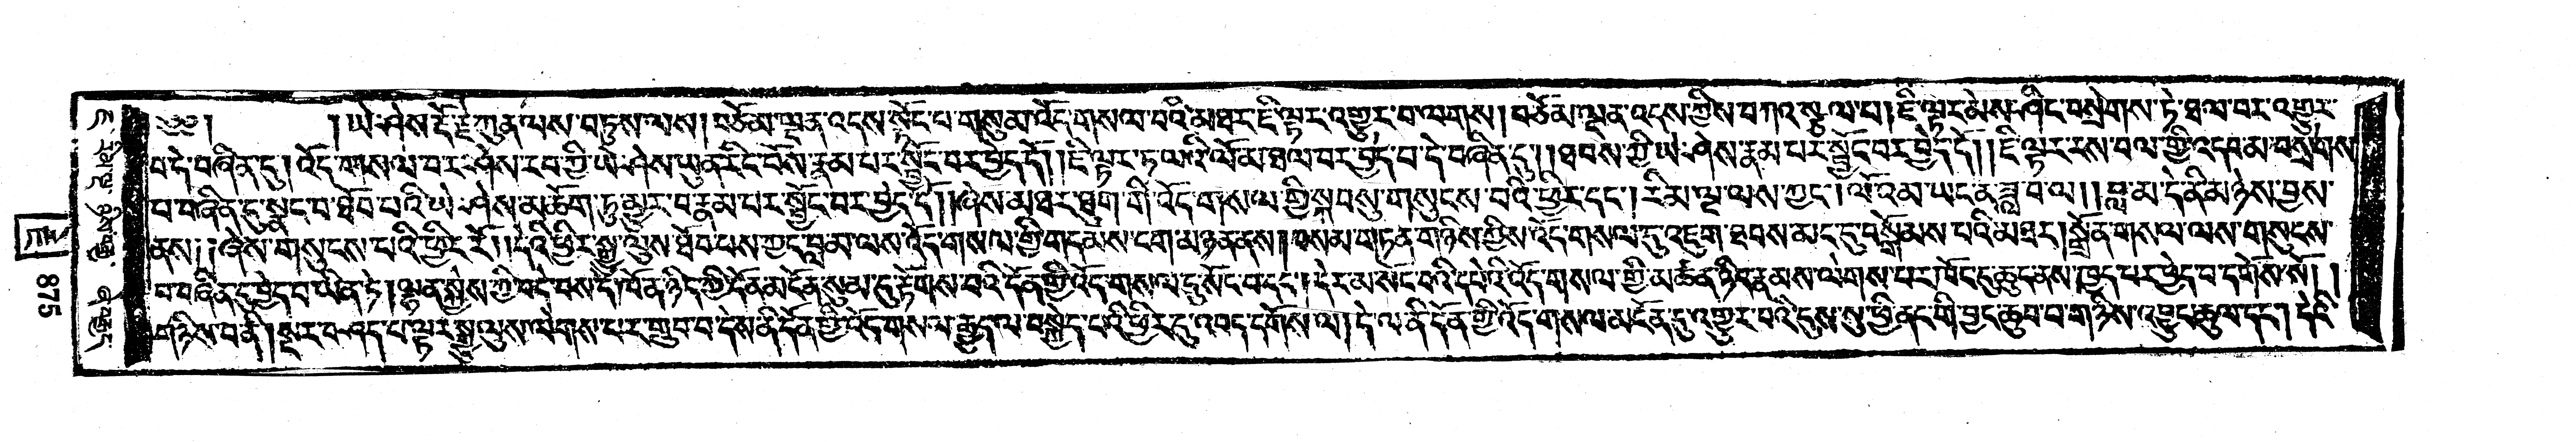༄༅། །ཡེ་ཤེས་རྡོ་རྗེ་ཀུན་ལས་བཏུས་ལས། བཅོམ་ལྡན་འདས་སྟོང་པ་གསུམ་འོད་གསལ་བའི་མཐར་ཇི་ལྟར་འགྱུར་བ་ལགས། བཅོམ་ལྡན་འདས་ཀྱིས་བཀའ་སྩལ་པ། ཇི་ལྟར་མེས་ཤིང་བསྲེགས་ཏེ་ཐལ་བར་འགྱུར་
བ་དེ་བཞིན་དུ། འོད་གསལ་བར་ཤེས་རབ་ཀྱི་ཡེ་ཤེས་ཡུན་རིང་པོས་རྣམ་པར་སྦྱོང་བར་བྱེད་དོ། །ཇི་ལྟར་ཏ་ལའི་ལོ་མ་ཐལ་བར་བྱེད་པ་དེ་བཞིན་དུ། །ཐབས་ཀྱི་ཡེ་ཤེས་རྣམ་པར་སྦྱོང་བར་བྱེད་དོ། །ཇི་ལྟར་རས་བལ་གྱི་འདབ་མ་བསྲེགས་
པ་བཞིན་དུ་སྣང་བ་ཐོབ་པའི་ཡེ་ཤེས་མཆོག་ཏུ་མྱུར་བ་རྣམ་པར་སྦྱོང་བར་བྱེད་དོ། །ཞེས་མཐར་ཐུག་གི་འོད་གསལ་གྱི་སྐབས་སུ་གསུངས་པའི་ཕྱིར་དང་། རིམ་ལྔ་ལས་ཀྱང་། ལོའམ་ཡང་ན་ཟླ་བ་ལ། །བླ་མ་དེ་ནི་མཉེས་བྱས་
ནས༑ ༑ཞེས་གསུངས་པའི་ཕྱིར་རོ། །དེའི་ཕྱིར་སྒྱུ་ལུས་ཐོབ་པས་ཀྱང་བླ་མས་ལས་འོད་གསལ་གྱི་གདམས་ངག་མཉན་ནས། བསམ་གཏན་གཉིས་ཀྱིས་འོད་གསལ་དུ་འཇུག་ཐབས་མང་དུ་བསྒོམས་པའི་མཐར། སྒྲོན་གསལ་ལས་གསུངས་
པ་བཞིན་དུ་བྱེད་པ་ཡིན་ཏེ། ལྷན་སྐྱེས་ཀྱི་བདེ་བས་དེ་ཁོ་ན་ཉིད་ཀྱི་དོན་མངོན་སུམ་དུ་རྟོགས་པའི་དོན་གྱི་འོད་གསལ་དུ་སོང་བ་དང་། དེར་མ་སོང་བའི་དཔེའི་འོད་གསལ་གྱི་མཚན་ཉིད་རྣམས་ལེགས་པར་ཁོང་དུ་ཆུད་ནས་ཁྱད་པར་བྱེད་པ་དགོས་སོ། །
གཉིས་པ་ནི། སྔར་བཤད་པ་ལྟར་སྒྱུ་ལུས་ལེགས་པར་གྲུབ་པ་དེས་ན་དོན་གྱི་འོད་གསལ་རྒྱུད་ལ་བསྐྱེད་པའི་ཕྱིར་དུ་འབད་དགོས་ལ། དེ་ལ་ནི་དོན་གྱི་འོད་གསལ་མངོན་དུ་འགྱུར་བའི་དུས་སུ་ཕྱི་ནང་གི་བྱང་ཆུབ་པ་གཉིས་འབྱུང་ཚུལ་དང་། དེའི་